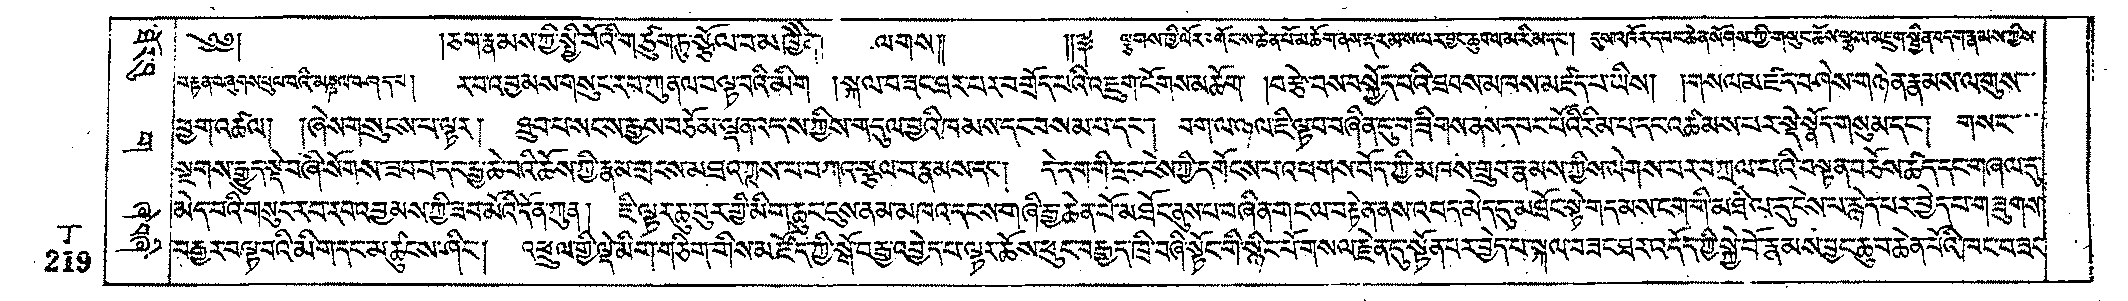༄༅། །ཅག་རྣམས་ཀྱི་སྤྱི་བོའི་གཙུག་ཏུ་སྩོལ་བ་མཁྱཻཨེན། ལགས།། །། འ་ལྕགས་ཁྱི་ལོར ༧གོང་ས་ཆེན་པོ་མཆོག་ནས་རྡ་རམ་ས་ལར་བྱང་ཆུབ་ལམ་རིམ་དང་། དུས་འཁོར་དབང་ཆེན་སོགས་ཀྱི་གསུང་ཆོས་སྩལ་མཇུག་སྦྱིན་བདག་རྣམས་ཀྱིས་
བརྟན་བཞུགས་ཕུལ་བའི་མཎྜལ་བཤད་པ། རབ་འབྱམས་གསུང་རབ་ཀུན་ལ་བལྟ་བའི་མིག །སྐལ་བཟང་ཐར་པར་བགྲོད་པའི་འཇུག་ངོགས་མཆོག །བརྩེ་བས་བསྐྱོད་པའི་ཐབས་མཁས་མཛད་པ་ཡིས། །གསལ་མཛད་བཤེས་གཉེན་རྣམས་ལ་གུས་་་
ཕྱག་འཚལ། །ཞེས་གསུངས་པ་ལྟར། ཐུབ་པ་སངས་རྒྱས་བཅོམ་ལྡན་འདས་ཀྱིས་གདུལ་བྱའི་ཁམས་དང་བསམ་པ་དང་། བག་ལ་ཉལ་ཇི་ལྟ་བ་བཞིན་དུ་གཟིགས་ནས་དབང་པོའི་རིམ་པ་དང་འཚམས་པར་སྡེ་སྣོད་གསུམ་དང་། གསང་་་
སྔགས་རྒྱུད་སྡེ་བཞི་སོགས་ཟབ་པ་དང་རྒྱ་ཆེ་བའི་ཆོས་ཀྱི་རྣམ་གྲངས་མཐའ་ཀླས་པ་བཀའ་སྩལ་བ་རྣམས་དང་། དེ་དག་གི་དྲང་ངེས་ཀྱི་དགོངས་པ་འཕགས་བོད་ཀྱི་མཁས་གྲུབ་རྣམས་ཀྱིས་ལེགས་པར་བཀྲལ་པའི་བསྟན་བཅོས་ཚད་དང་གཞལ་དུ་
མེད་པའི་གསུང་རབ་རབ་འབྱམས་ཀྱི་ཟབ་མོའི་དོན་ཀུན། ཇི་ལྟར་ཆུ་བུར་གྱི་མིག་ཆུང་དུས་ནམ་མཁའ་དང་ས་གཞི་རྒྱ་ཆེན་པོ་མཐོང་ནུས་པ་བཞིན་གང་ལ་བརྟེན་ནས་འབད་མེད་དུ་མཐོང་སྟེ་གདམས་ངག་གི་མཐིལ་དུ་ངེས་པ་རྙེད་པར་བྱེད་པ་གཟུགས་
བརྒྱར་བལྟ་བའི་མིག་དང་མཚུངས་ཤིང་། འཕྲུལ་གྱི་ལྡེ་མིག་གཅིག་གིས་མཛོད་ཀྱི་སྒོ་བརྒྱ་འབྱེད་པ་ལྟར་ཆོས་ཕུང་བརྒྱད་ཁྲི་བཞི་སྟོང་གི་སྙིང་པོ་གསལ་རྗེན་དུ་སྟོན་པར་བྱེད་པ་སྐལ་བཟང་ཐར་འདོད་ཀྱི་སྐྱེ་བོ་རྣམས་བྱང་ཆུབ་ཆེན་པོའི་ཁང་བཟང་